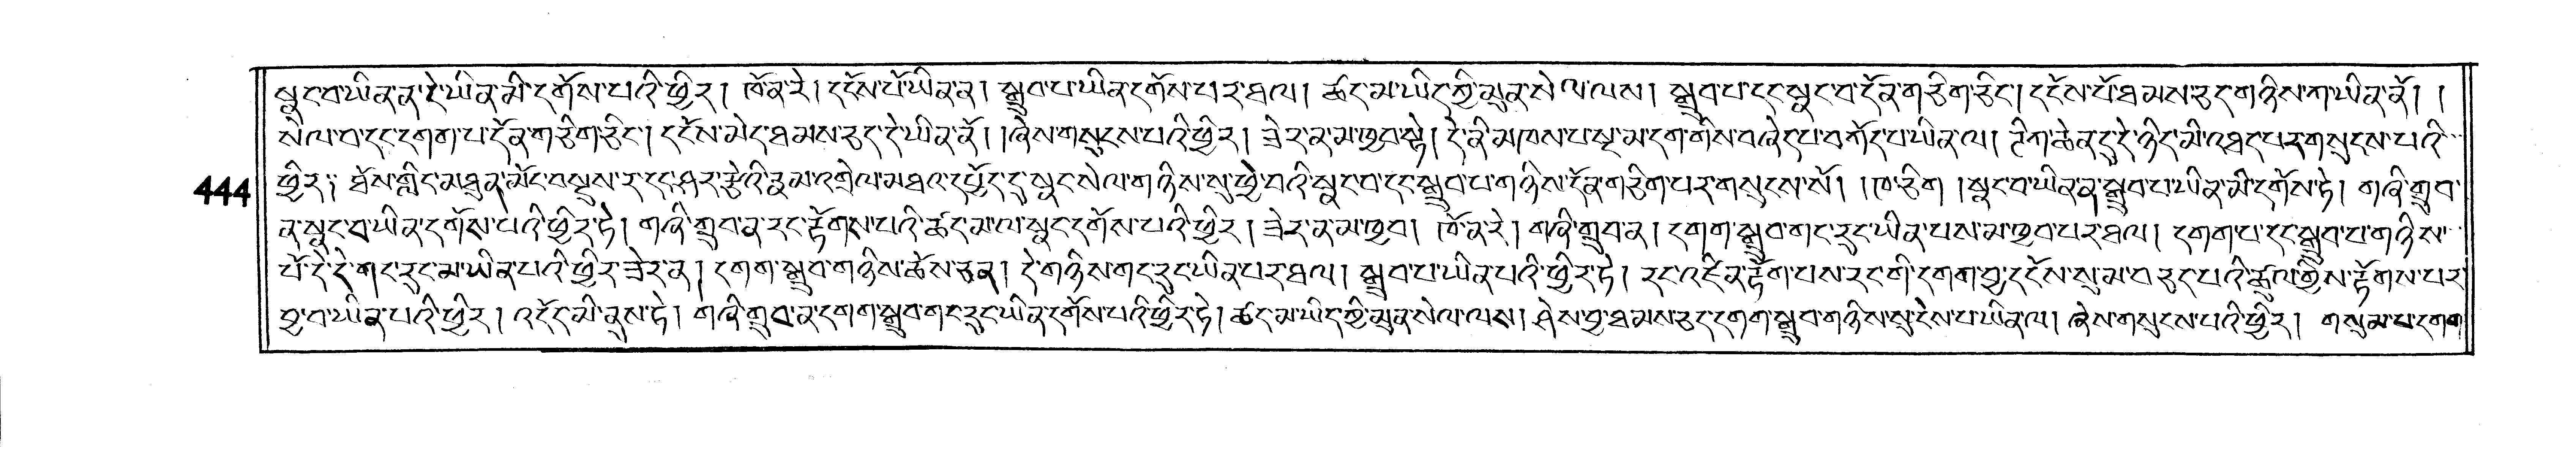སྣང་བ་ཡིན་ན་དེ་ཡིན་མི་དགོས་པའི་ཕྱིར། ཁོ་ན་རེ། དངོས་པོ་ཡིན་ན། སྒྲུབ་པ་ཡིན་དགོས་པར་ཐལ། ཚད་མ་ཡིད་ཀྱི་མུན་སེལ་ལས། སྒྲུབ་པ་དང་སྣང་བ་དོན་གཅིག་ཅིང་། དངོས་པོ་ཐམས་ཅད་གཉིས་ཀ་ཡིན་ནོ། །
སེལ་བ་དང་དགག་པ་དོན་གཅིག་ཅིང་། དངོས་མེད་ཐམས་ཅད་དེ་ཡིན་ནོ། །ཞེས་གསུངས་པའི་ཕྱིར། ཟེར་ན་མ་ཁྱབ་པ་སྟེ། དེ་ནི་མཁས་པ་སྔ་མ་དག་གིས་བཞེད་པ་བཀོད་པ་ཡིན་ལ། ཏིཀ་ཆེན་དུ་དེ་ཉིད་མི་འཐད་པར་གསུངས་པའི་
ཕྱིར༑ ཐོས་གླིང་མཐུན་མོང་བསྡུས་ར་དང་ཤར་རྩེའི་རྣམ་འགྲེལ་མཐའ་དཔྱོད་དུ་སྣང་སེལ་གཉིས་སུ་ཕྱེ་བའི་སྣང་བ་དང་སྒྲུབ་པ་གཉིས་དོན་གཅིག་པར་གསུངས་སོ། །ཁ་ཅིག །སྣང་བ་ཡིན་ན་སྒྲུབ་པ་ཡིན་མི་དགོས་ཏེ། གཞི་གྲུབ་
ན་སྣང་བ་ཡིན་དགོས་པའི་ཕྱིར་ཏེ། གཞི་གྲུབ་ན་རང་རྟོགས་པའི་ཚད་མ་ལ་སྣང་དགོས་པའི་ཕྱིར། ཟེར་ན་མ་ཁྱབ། ཁོ་ན་རེ། གཞི་གྲུབ་ན། དགག་བསྒྲུབ་གང་རུང་ཡིན་པས་མ་ཁྱབ་པར་ཐལ། དགག་པ་དང་སྒྲུབ་པ་གཉིས་
པོ་དེ་དེ་གང་རུང་མ་ཡིན་པའི་ཕྱིར་ཟེར་ན། དགག་སྒྲུབ་གཉིས་ཆོས་ཅན། དེ་གཉིས་གང་རུང་ཡིན་པར་ཐལ། སྒྲུབ་པ་ཡིན་པའི་ཕྱིར་ཏེ། རང་འཛིན་རྟོག་པས་རང་གི་དགག་བྱ་དངོས་སུ་མ་བཅད་པའི་ཚུལ་གྱི་རྟོགས་པར་
བྱ་བ་ཡིན་པའི་ཕྱིར། འདོད་མི་ནུས་ཏེ། གཞི་གྲུབ་ན་དགག་སྒྲུབ་གང་རུང་ཡིན་དགོས་པའི་ཕྱིར་ཏེ། ཚད་མ་ཡིད་གྱི་མུན་སེལ་ལས། ཤེས་བྱ་ཐམས་ཅད་དགག་སྒྲུབ་གཉིས་སུ་ངེས་པ་ཡིན་ལ། ཞེས་གསུངས་པའི་ཕྱིར། གསུམ་པ་དགག་